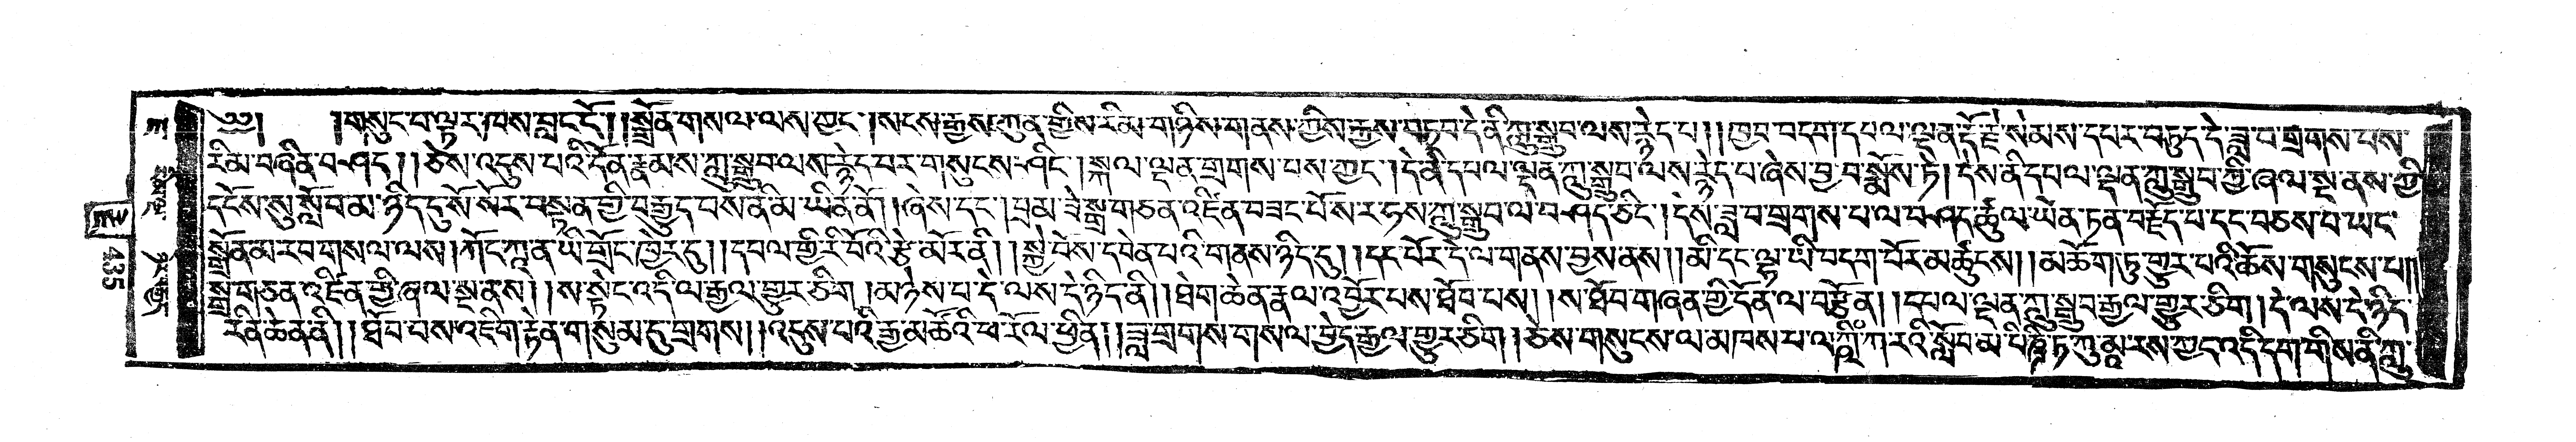༄༅། །གསུང་པ་ལྟར་ཁས་བླང་ངོ། །སྒྲོན་གསལ་ལས་ཀྱང་། སངས་རྒྱས་ཀུན་གྱིས་རིམ་གཉིས་གནས་ཀྱིས་རྒྱས་བཏབ་དེ་ནི་ཀླུ་སྒྲུབ་ལས་རྙེད་པ། །ཁྱབ་བདག་དཔལ་ལྡན་རྡོ་རྗེ་སེམས་དཔར་བཏུད་ཏེ་ཟླ་བ་གྲགས་པས་
རིམ་བཞིན་བཤད། །ཅེས་འདུས་པའི་དོན་རྣམས་ཀླུ་སྒྲུབ་ལས་རྙེད་པར་གསུངས་ཤིང་། སྐལ་ལྡན་གྲགས་པས་ཀྱང་། དེ་ནི་དཔལ་ལྡན་ཀླུ་སྒྲུབ་ལས་རྙེད་པ་ཞེས་བྱ་བ་སྨོས་ཏེ། དེས་ནི་དཔལ་ལྡན་ཀླུ་སྒྲུབ་ཀྱི་ཞལ་སྔ་ནས་ཀྱི་
དངོས་སུ་སློབ་མ་ཉིད་དུ་སོ་སོར་བསྟན་གྱི་བརྒྱུད་པས་ནི་མ་ཡིན་ནོ། །ཞེས་དང་། བྲམ་ཟེ་སྒྲ་གཅན་འཛིན་བཟང་པོ་ས་ར་ཧས་ཀླུ་སྒྲུབ་ལ་བཤད་ཅིང་། དེས་ཟླ་བ་གྲགས་པ་ལ་བཤད་ཚུལ་ཡོན་ཏན་བརྗོད་པ་དང་བཅས་པ་ཡང་
སྒྲོན་མ་རབ་གསལ་ལས། ཀོང་ཀཱ་ན་ཡི་གྲོང་ཁྱེར་དུ། །དཔལ་གྱི་རི་བོའི་རྩེ་མོར་ནི། །སྐྱེ་བོས་དབེན་པའི་གནས་ཉིད་དུ། །དང་པོར་དེ་ལ་གནས་བྱས་ནས། །མི་དང་ལྷ་ཡི་བདག་པོར་མཚུངས། །མཆོག་ཏུ་གྱུར་པའི་ཆོས་གསུངས་པ། །
སྒྲ་གཅན་འཛིན་གྱི་ཞལ་སྔ་ནས། །ས་སྟེང་འདི་ལ་རྒྱལ་གྱུར་ཅིག །མཉེས་པ་དེ་ལས་དེ་ཉིད་ནི། །ཐེག་ཆེན་རྣལ་འབྱོར་པས་ཐོབ་པས། །ས་ཐོབ་གཞན་གྱི་དོན་ལ་བརྩོན། །དཔལ་ལྡན་ཀླུ་སྒྲུབ་རྒྱལ་གྱུར་ཅིག །དེ་ལས་དེ་ཉིད་
རིན་ཆེན་ནི། །ཐོབ་པས་འཇིག་རྟེན་གསུམ་དུ་གྲགས། །འདུས་པའི་རྒྱ་མཚོའི་ཕ་རོལ་ཕྱིན། །ཟླ་གྲགས་གསལ་བྱེད་རྒྱལ་གྱུར་ཅིག །ཅེས་གསུངས་ལ་མཁས་པ་ལཀྵིཾ་ཀ་རའི་སློབ་མ་པིཎྜི་ཏ་ཀུ་མཱ་རས་ཀྱང་འདི་དག་གིས་ནི་ཀླུ་